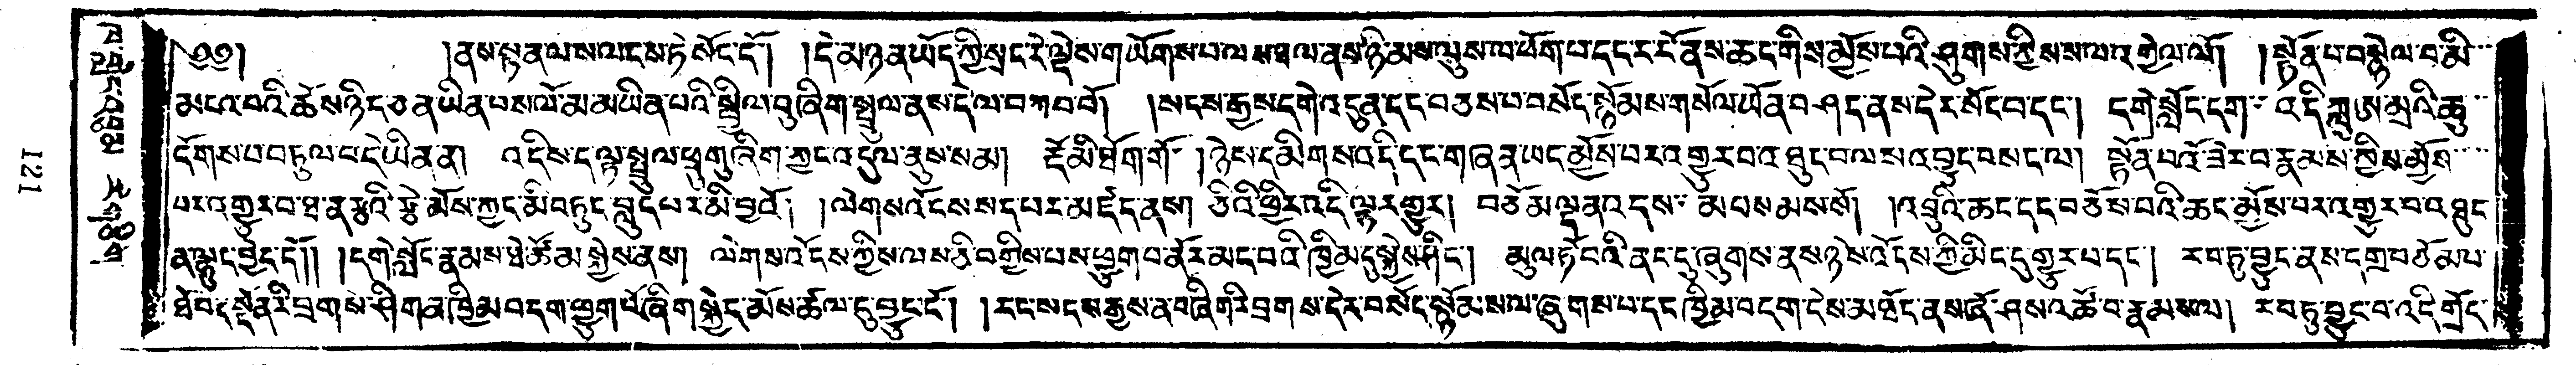༄༅། །ནས་སྟན་ལས་ལངས་ཏེ་སོང་ངོ། །དེ་མཉན་ཡོད་ཀྱི་སྲང་རེ་ལྡེས་གཡོགས་པ་ལས་ཐལ་ནས་ཉི་མས་ལུས་ལ་ཕོག་པ་དང་ར་རོ་ནས་ཆང་གིས་མྱོས་པའི་ཤུགས་ཀྱིས་ས་ལ་འགྱེལ་ལོ། །སྟོན་པ་བསྙེལ་བ་མི་
མངའ་བའི་ཆོས་ཉིད་ཅན་ཡིན་པས་ལོ་མ་མ་ཡིན་པའི་སྤྱིལ་བུ་ཞིག་སྤྲུལ་ནས་དེ་ལ་བཀབ་བོ། །སངས་རྒྱས་དགེ་འདུན་དང་བཅས་པ་བསོད་སྙོམས་གསོལ་ཡོན་བཤད་ནས་དེར་སོང་བ་དང་། དགེ་སློང་དག༑ འདི་ཀླུ་ཨ་མྲའི་ཆུ་
དོགས་པ་བཏུལ་བ་དེ་ཡིན་ན། འདིས་ད་ལྟ་སྤྲུལ་ཕྲུ་གུ་ཞིག་ཀྱང་འདུལ་ནུས་སམ། རྡོ་མི་ཐོག་གོ །ཉེས་དམིགས་འདི་དང་གཞན་ཡང་མྱོས་པར་འགྱུར་བ་འཐུང་བ་ལས་འབྱུང་བསང་ལ། སྟོན་པའོ་ཟེར་བ་རྣམས་ཀྱིས་མྱོས་
པར་འགྱུར་བ་ཐ་ན་རྩའི་རྩེ་མོས་ཀྱང་མི་བཏུང་བླུད་པར་མི་བྱའོ། །ལེགས་འོངས་སད་པར་མཛད་ནས། ཅིའི་ཕྱིར་འདི་ལྟར་གྱུར། བཅོམ་ལྡན་འདས༑ མ་བསམས་སོ། །འབྲུའི་ཆང་དང་བཅོས་པའི་ཆད་མྱོས་པར་འགྱུར་བ་འཐུང་
ན་ལྷུང་བྱེད་དོ།། །དགེ་སློང་རྣམས་ཐེ་ཚོམ་སྐྱེས་ནས། ལེགས་འོངས་ཀྱིས་ལས་ཅི་བགྱིས་པས་ཕྱུག་པ་ནོར་མང་བའི་ཁྱིམ་དུ་སྐྱེས་ཤིང་། མུལ་ཏོ་བའི་ནང་དུ་ཞུགས་ནས་ཉེས་འདོས་ཀྱི་མིང་དུ་གྱུར་པ་དང་། རབ་ཏུ་བྱུང་ནས་དགྲ་བཅོམ་པ་
ཐོབཿ སྔོན་རི་བྲགས་ཤིག་ན་ཁྱིམ་བདག་ཕྱུག་པོ་ཞིག་སྐྱེད་མོས་ཚལ་དུ་བྱུང་ངོ། །རང་སངས་རྒྱས་ན་བཞིག་རི་བྲགས་དེར་བསོད་སྙོམས་ལ་ཞུགས་པ་དང་ཁྱིམ་བདག་དེས་མཐོང་ནས་ཞོ་ཤས་འཚོ་བ་རྣམས་ལ། རབ་ཏུ་བྱུང་བ་འདི་གྲོད་